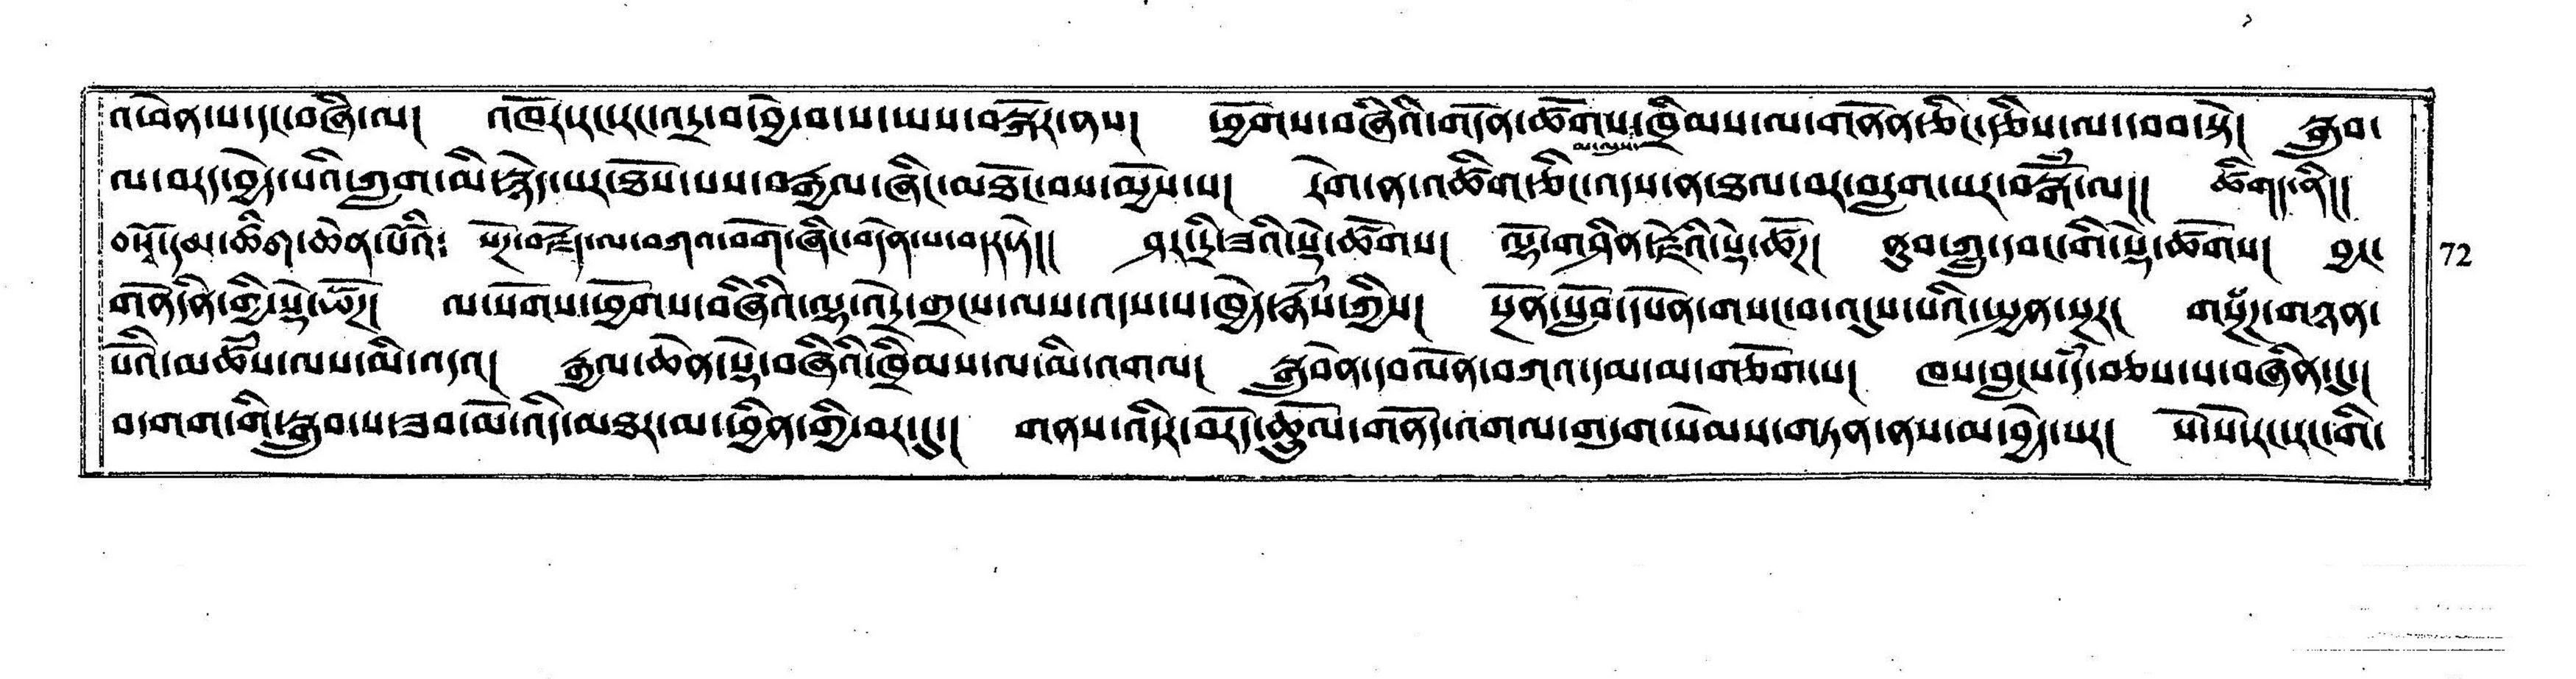འཕེན་པ་དང་བཞི་ལ། འཁོར་རང་རང་འདྲ་བ་བྱེ་བ་ས་ཡས་བསྐོར་ནས། ཕྱོགས་བཞིའི་གདོན་ཚོགས་མ་ལུས་ཁྲིམས་ལ་གནོན་ཅིང་རྩིས་ལ་དབབ་སྟེ། སྒྲུབ་
ལ་བར་ཆད་བྱེད་པའི་ཀླག་མི་སྙེད་པར་ཐོས་པས་བརྒྱལ་ཞིང་མཐོང་བས་མྱོས་པ། རེག་ན་འཚིག་ཅིང་འདས་ན་ཐལ་བར་བརླག་པར་བསྒོམ་ལ།། ཚིག་བཤད་ནི།། 
བསྭོ་དམ་ཚིག་ཆེན་པོའི༴ སོགས་བརྗོད་ལ་བཀའ་བགོ་ཞིང་བདེན་པ་བདར་ཏེ།། ཤར་དྲི་ཟའི་སྡེ་ཚོགས། ལྷོ་གཤིན་རྗེའི་སྡེ་ཚོགས། ནུབ་ཀླུ་དབང་གི་སྡེ་ཚོགས། བྱང་
གནོད་སྦྱིན་གྱི་སྡེ་ཚོགས། ལ་སོགས་ཕྱོགས་བཞིའི་ལྷ་འདྲེ་གྲངས་ལས་འདས་པ་ཁྱེད་རྣམས་ཀྱིས། སྔོན་སློབ་དཔོན་གསང་བ་འདུས་པའི་སྤྱན་སྔར། གསང་སྔགས་གཉན་
པོའི་མཚམས་ལས་མི་འདའ། རྒྱལ་ཆེན་སྡེ་བཞིའི་ཁྲིམས་ལ་མི་འགལ། སྒྲུབ་གཤེན་དབལ་བོན་བཀའ་དམ་མ་གཅོག་པ། ཁས་བླངས་དམ་བཅས་པ་བཞིན་དུ། 
བདག་ཅག་གི་སྒྲུབ་པ་ཟབ་མོ་འདི་མཐར་མ་ཕྱིན་གྱི་བར་དུ། གནས་འདིར་བར་ཆོད་ཆོ་འཕྲུལ་གནོད་འགལ་གདུག་སེམས་གཏན་ནས་མ་བྱེད་པར། སོ་སོ་རང་རང་གི་